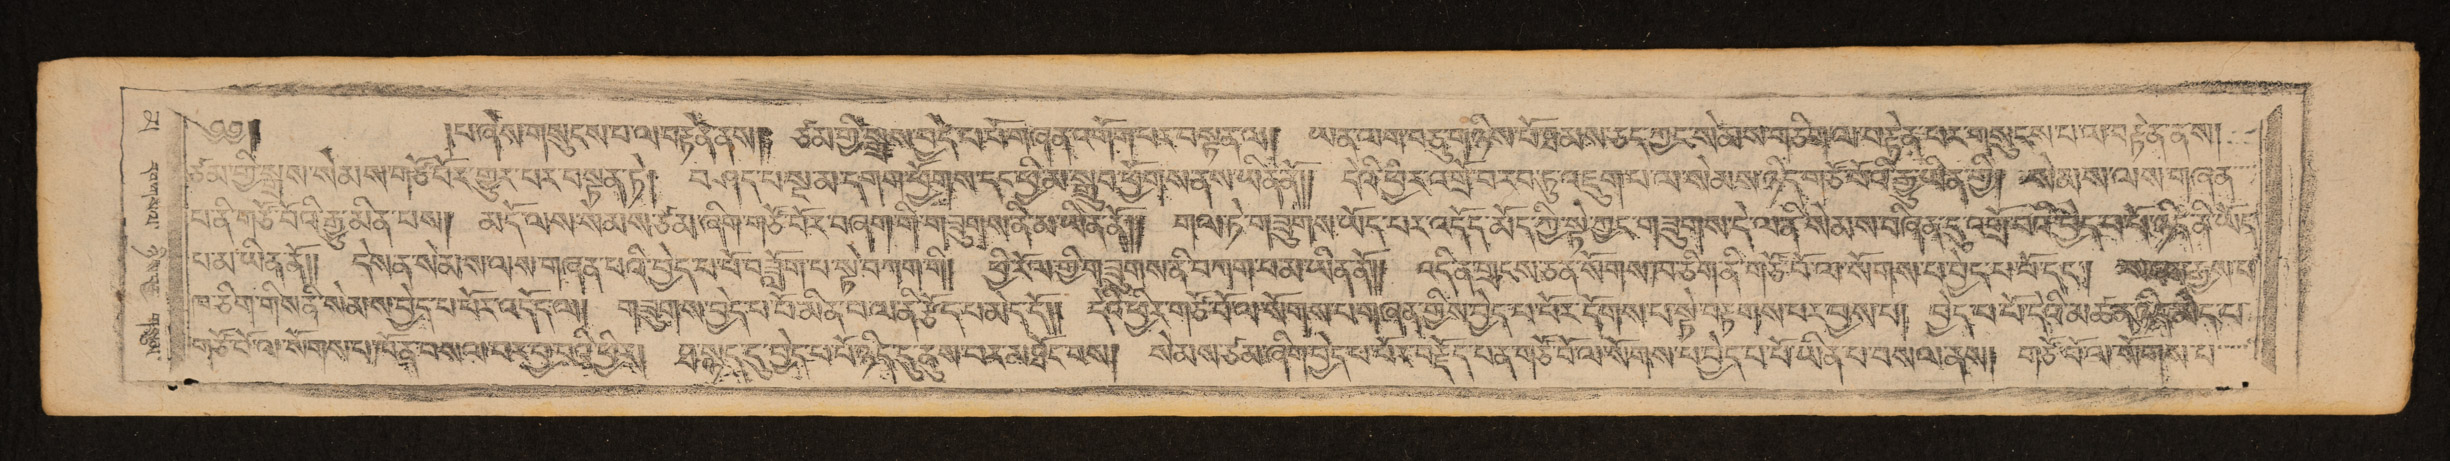༄༅། །པ་ཞེས་གསུངས་པ་ལ་བརྟེན་ནས། ཙམ་གྱི་སྒྲས་བྱེད་པ་པོ་གཞན་འགོག་པར་བསྟན་ལ། ཡན་ལག་བཅུ་གཉིས་པོ་ཐམས་ཅད་ཀྱང་སེམས་གཅིག་ལ་བརྟེན་པར་གསུངས་པ་ལ་བརྟེན་ནས།
ཙམ་གྱི་སྒྲས་སེམས་གཙོ་བོར་གྱུར་པར་བསྟན་ཏེ། བཤད་པ་སྔ་མ་དགག་ཕྱོགས་དང་ཕྱི་མ་སྒྲུབ་ཕྱོགས་ནས་ཡིན་ནོ།། དེའི་ཕྱིར་འགྲོ་བ་རབ་ཏུ་འཇུག་པ་ལ་སེམས་ཉིད་གཙོ་བོའི་རྒྱུ་ཡིན་གྱི། སེམས་ལས་གཞན་
པ་ནི་གཙོ་བོའི་རྒྱུ་མིན་པས། མདོ་ལས་སེམས་ཙམ་ཞིག་གཙོ་བོར་བཞག་གི་གཟུགས་ནི་མ་ཡིན་ནོ།། གལ་ཏེ་གཟུགས་ཡོད་པར་འདོད་མོད་ཀྱི་སྟེ་ཀྱང་གཟུགས་དེ་ལ་ནི་སེམས་བཞིན་དུ་འགྲོ་བའི་བྱེད་པ་པོ་ཉིད་ནི་ཡོད་
པ་མ་ཡིན་ནོ།། དེས་ན་སེམས་ལས་གཞན་པའི་བྱེད་པ་པོ་བཟློག་པ་སྟེ་བཀག་གི། ཕྱི་རོལ་གྱི་གཟུགས་ནི་བཀག་པ་མ་ཡིན་ནོ།། འདི་ན་གྲངས་ཅན་སོགས་ཁ་ཅིག་ནི་གཙོ་བོ་ལ་སོགས་པ་བྱེད་པ་པོ་དང་། སངས་རྒྱས་པ་
ཁ་ཅིག་གིས་ནི་སེམས་བྱེད་པ་པོར་འདོད་ལ། གཟུགས་བྱེད་པ་པོ་མིན་པ་ལ་ནི་རྩོད་པ་མེད་དོ།། དེའི་ཕྱིར་གཙོ་བོ་ལ་སོགས་པ་གཞན་གྱིས་བྱེད་པ་པོར་དོགས་པ་སྟེ་བརྟགས་པར་བྱས་པ། བྱེད་པ་པོ་དེའི་མཚན་ཉིད་མེད་པ་
གཙོ་བོ་ལ་སོགས་པ་ཁོ་ན་བསལ་བར་བྱ་བའི་ཕྱིར། ཐ་སྙད་དུ་བྱེད་པ་པོ་ཉིད་དུ་ནུས་པར་མཐོང་བས། སེམས་ཙམ་ཞིག་བྱེད་པ་པོར་བརྗོད་པ་ན་གཙོ་བོ་ལ་སོགས་པ་བྱེད་པ་པོ་ཡིན་པ་བསལ་ནས། གཙོ་བོ་ལ་སོགས་པ་